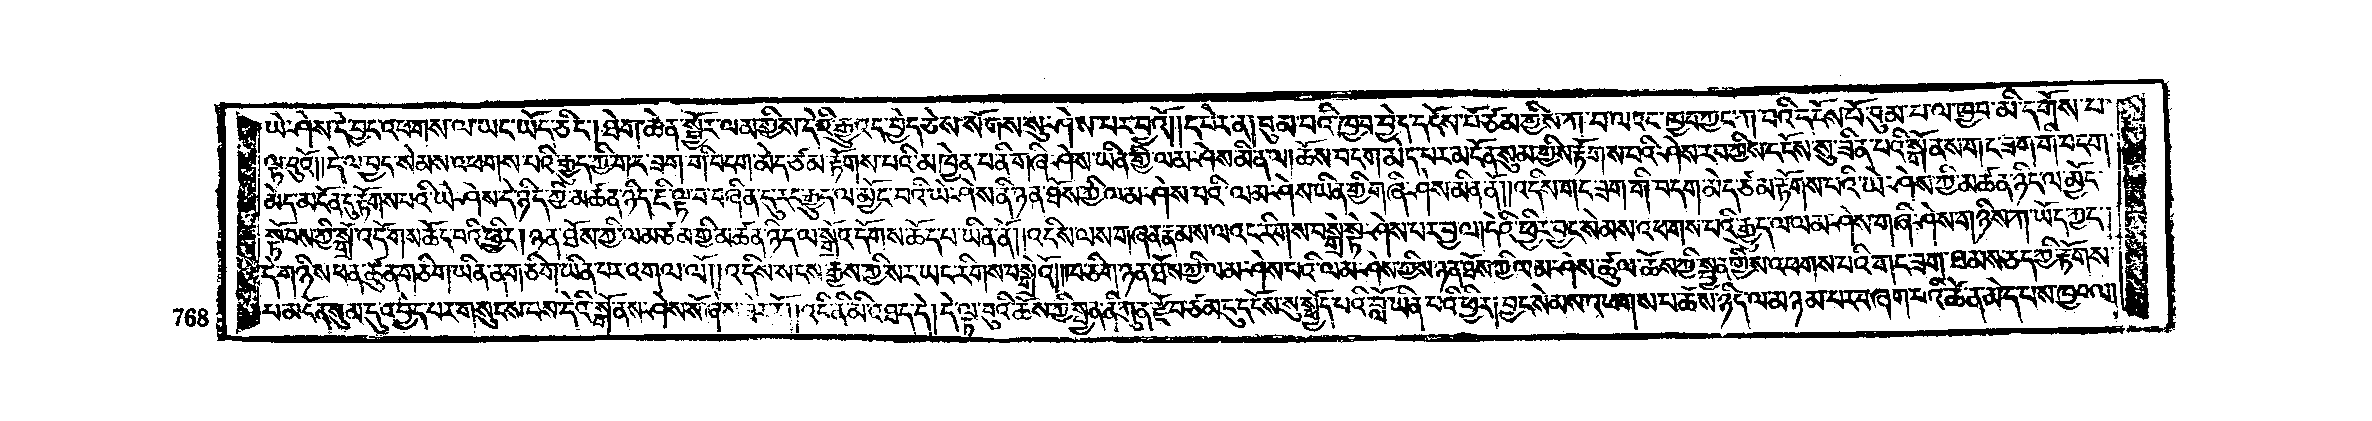ཡེ་ཤེས་དེ་བྱང་འཕགས་ལ་ཡང་ཡོད་ཅིང་། ཐེག་ཆེན་སྦྱོར་ལམ་གྱིས་དེའི་རྒྱུའང་བྱེད་ཅེས་སོགས་སུ་ཤེས་པར་བྱའོ། །དཔེར་ན། བུམ་པའི་ཁྱབ་བྱེད་དངོས་པོ་ཙམ་གྱིས་ཀ་བ་ལའང་ཁྱབ་ཀྱང་ཀ་བའི་དངོས་པོ་བུམ་པ་ལ་ཁྱབ་མི་དགོས་པ་
ལྟ་བུའོ། །དེ་ལ་བྱང་སེམས་འཕགས་པའི་རྒྱུད་ཀྱི་གང་ཟག་གི་བདག་མེད་ཙམ་རྟོགས་པའི་མཁྱེན་པ་ནི་གཞི་ཤེས་ཡིན་གྱི་ལམ་ཤེས་མིན་ལ། ཆོས་བདག་མེད་པར་མངོན་སུམ་གྱིས་རྟོགས་པའི་ཤེས་རབ་ཀྱིས་དངོས་སུ་ཟིན་པའི་སྒོ་ནས་གང་ཟག་གི་བདག་
མེད་མངོན་དུ་རྟོགས་པའི་ཡེ་ཤེས་དེ་ཉིད་ཀྱི་མཚན་ཉིད་ཇི་ལྟ་བ་བཞིན་དུ་རང་རྒྱུད་ལ་མྱོང་བའི་ཡེ་ཤེས་ནི་ཉན་ཐོས་ཀྱི་ལམ་ཤེས་པའི་ལམ་ཤེས་ཡིན་གྱི་གཞི་ཤེས་མིན་ནོ། །འདིས་གང་ཟག་གི་བདག་མེད་ཙམ་རྟོགས་པའི་ཡེ་ཤེས་ཀྱི་མཚན་ཉིད་ལ་མྱོང་
སྟོབས་ཀྱི་སྒྲོ་འདོགས་ཆོད་པའི་ཕྱིར། ཉན་ཐོས་ཀྱི་ལམ་ཙམ་གྱི་མཚན་ཉིད་ལ་སྒྲོ་འདོགས་ཆོད་པ་ཡིན་ནོ། །འདིས་ལས་གཞན་རྣམས་ལའང་རིགས་བསྒྲེ་སྟེ་ཤེས་པར་བྱ་ལ། དེའི་ཕྱིར་བྱང་སེམས་འཕགས་པའི་རྒྱུད་ལ་ལམ་ཤེས་གཞི་ཤེས་གཉིས་ཀ་ཡོད་ཀྱང་།
དེ་གཉིས་ཕན་ཚུན་གཅིག་ཡིན་ན་གཅིག་ཡིན་པར་འགལ་ལོ། །འདིས་སངས་རྒྱས་ཀྱི་སར་ཡང་རིགས་བསྒྲེའོ། །ཁ་ཅིག་ཉན་ཐོས་ཀྱི་ལམ་ཤེས་པའི་ལམ་ཤེས་ཀྱིས་ཉན་ཐོས་ཀྱི་ལམ་ཤེས་ཚུལ་ཆོས་ཀྱི་སྤྱན་གྱིས་འཕགས་པའི་གང་ཟག་ཐམས་ཅད་ཀྱི་རྟོགས་
པ་མངོན་སུམ་དུ་འབྱེད་པར་གསུངས་པས་དེའི་སྒོ་ནས་ཤེས་སོ་ཞེས་ཟེར་རོ། །འདི་ནི་མི་འཐད་དེ། དེ་ལྟ་བུའི་ཆོས་ཀྱི་སྤྱན་ནི་ཀུན་རྫོབ་ཙམ་དུ་དངོས་སུ་སྤྱོད་པའི་བློ་ཡིན་པའི་ཕྱིར། བྱང་སེམས་འཕགས་པ་ཆོས་ཉིད་ལམ་ཉམས་པར་བཞག་པའི་ཚེ་ན་མེད་པས་ཁྱབ་ལ།